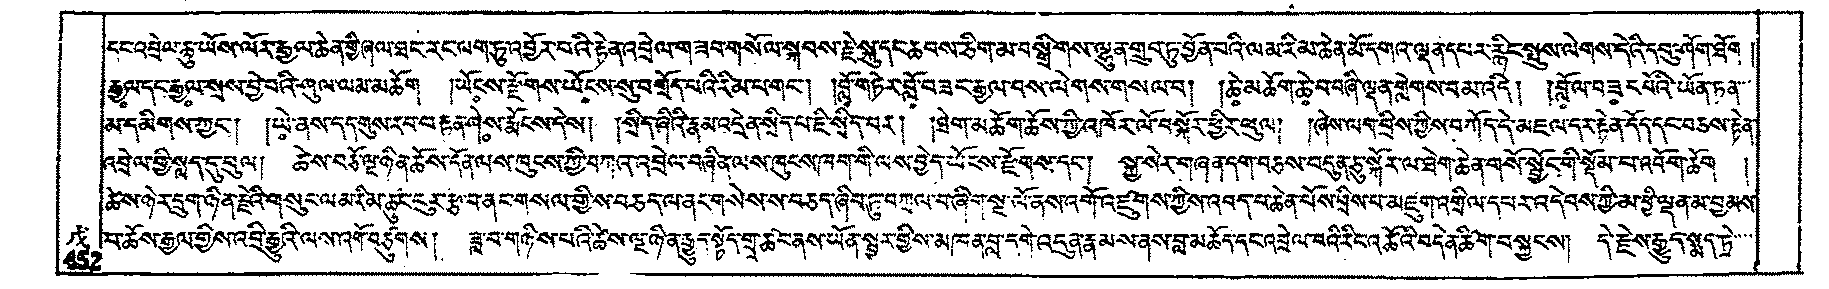དང་འབྲེལ་ཆུ་ཡོས་ལོར་རྒྱལ་ཆེན་གྱི་ཞལ་ཐང་རང་ལག་ཏུ་འབྱོར་པའི་རྟེན་འབྲེལ་གཟབ་གསོལ་སྐབས་རྗེ་སྐུ་དང་ཆབས་ཅིག་མ་བསྒྲིགས་ལྷུན་གྲུབ་ཏུ་བྱོན་པའི་ལམ་རིམ་ཆེན་མོ་དགའ་ལྡན་དཔར་རྙིང་སྤུས་ལེགས་དེའི་དབུ་ཤོག་ཐོག །
རྒྱལ྾་དང་རྒྱལ྾་སྲས་བྱེ་བའི་ཤུལ་ལམ་མཆོག །ཡོངས྾་རྫོགས་ཡོངས྾་སུ་བགྲོད་པའི་རིམ་པ་གང་། །བློ྾་གཏེར་བློ྾་བཟང་རྒྱལ་བས་ལེགས་གསལ་བ། །ཆེ྾་མཆོག་ཆེ྾་བ་བཞི་ལྡན་གླེགས་བམ་འདི། །བློ྾་ལ་བཟང྾་པོའི་ཡོན་ཏན་
མ་དམིགས་ཀྱང་། །ཡེ྾་ནས་དད་གུས་རབ་བརྟན་ཤེས྾་རྨོངས་དེས། །སྲིད་ཞིའི་རྣམ་འདྲེན་སྲིད་པ་ཇི་སྲིད་བར། །ཐེག་མཆོག་ཆོས་ཀྱི་འཁོར་ལོ་བསྐོར་ཕྱིར་ཕུལ། །ཞེས་ལག་བྲིས་ཀྱིས་བཀོད་དེ་མཇལ་དར་རྟེན་དོད་དང་བཅས་རྟེན་
འབྲེལ་གྱི་སླད་དུ་ཕུལ། ཚེས་བཅོ་ལྔ་ཉིན་ཆོས་དོན་ལས་ཁུངས་ཀྱི་བཀའ་འབྲེལ་བཞིན་ལས་ཁུངས་ཁག་གི་ལས་བྱེད་ཡོངས་རྫོགས་དང་། སྐྱ་སེར་གཞན་དག་བཅས་བདུན་ཅུ་སྐོར་ལ་ཐེག་ཆེན་གསོ་སྦྱོང་གི་སྡོམ་པ་འབོག་ཆོག །
ཚེས་ཉེར་དྲུག་ཉིན་རྗེའི་གསུང་ལམ་རིམ་ཆུང་ངུར་རྩ་བ་ནང་གསལ་གྱི་ས་བཅད་ལ་ནང་གསེས་ས་བཅད་ཞིབ་ཏུ་བཀྲལ་བ་ཞིག་སྔ་ལོ་ནས་འགོ་འཛུགས་ཀྱིས་འབད་པ་ཆེན་པོས་བྲིས་པ་མཇུག་འགྲིལ་དཔར་འདེབས་ཀྱི་མ་ཕྱི་ལྡན་མ་བྱམས་
པ་ཆོས་རྒྱལ་གྱིས་འབྲི་རྒྱུའི་ལས་འགོ་བཙུགས། ཟླ་བ་གཉིས་པའི་ཚེས་ལྔ་ཉིན་རྒྱུད་སྟོད་གྲྭ་ཚང་ནས་ཡོན་སྦྱར་གྱིས་མཁན་བླ་དགེ་འདུན་རྣམས་ནས་བླ་མཆོད་དང་འབྲེལ་བའི་རིང་འཚོའི་བདེན་ཚིག་བསྐྱངས། དེ་རྗེས་རྒྱུད་སྨད་ཏེ་